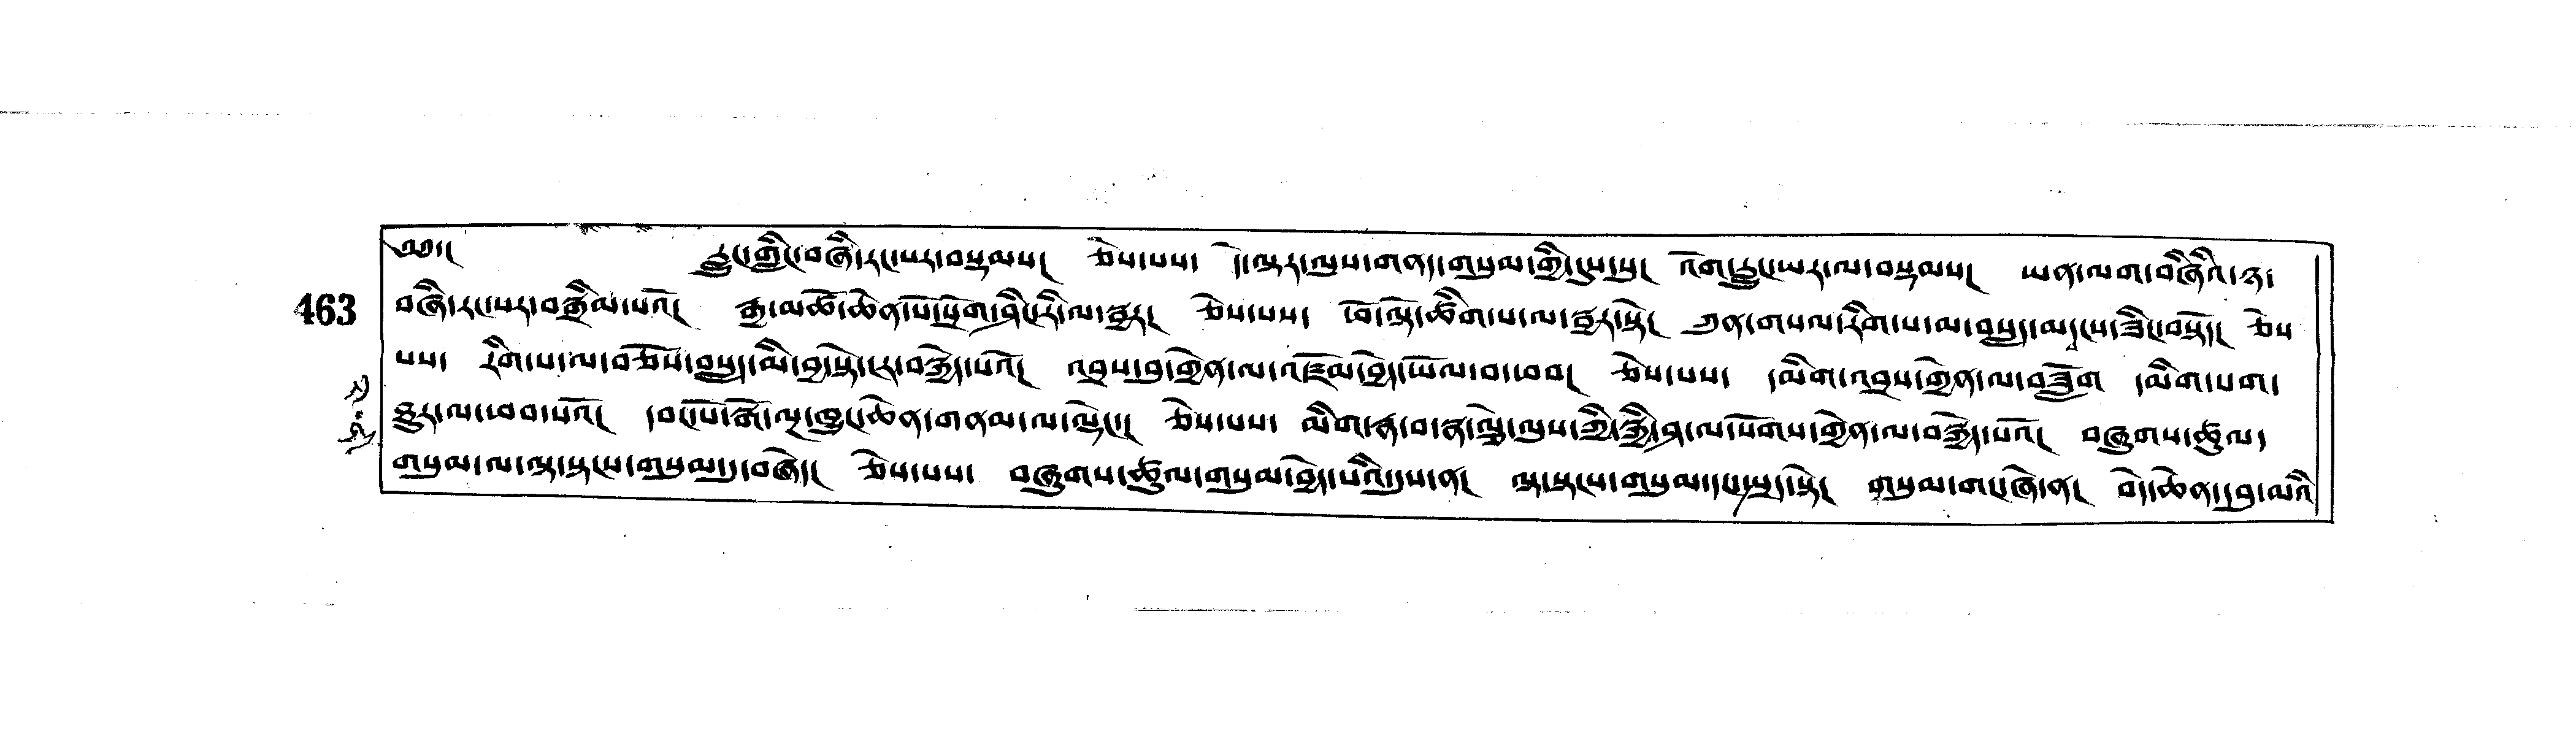རླུང་གླིང་བཞི་རང་སར་བསྡམས། ཅེས་པས། དེ་ལྟར་ལུས་གནད་གསུམ་གྱི་དུས་སུ། འོག་རླུང་ཡར་ལ་བསྡམས། ཡན་ལག་བཞིའི་ཡ་
བཞི་རང་སར་བསྒྲིལ་བའོ། རྒྱ་མཚོ་ཆེན་པོ་སྲོག་ཤིང་རི་ལ་སྦྱར། ཅེས་པས། ཕོ་ལྟོ་ཚིགས་པ་ལ་སྦྱར་ཏེ། ཀུན་གསལ་རིག་པ་མ་བསླད་མདངས་གཟེངས་བསྟོད། ཅེས་
པས། རིག་པ་ལ་བཅོས་སླད་མི་བྱ་སྟེ་ངར་བསྐྱེད་པའོ། འབྲས་བུ་གྱེན་ལ་འཛོམ་བྱེད་ཡོལ་བ་ཕབ། ཅེས་པས། མིག་འབྲས་གྱེན་ལ་བཟློག མིག་ལྤགས་
ཐུར་ལ་ཕབ་པའོ། དབང་པོ་སྒོ་ལྔ་ཁྱུང་ཆེན་གནམ་ལ་ལྡིང་། ཅེས་པས། མིག་རྣ་བ་སྣ་ལྩེ་ལུས་ཀྱི་སྐྱི་ཤ་ལ་སོགས་གྱེན་ལ་བསྐྱེད་པའོ། བཞུགས་ཚུལ་
གསུམ་ལ་ལྟ་སྟངས་གསུམ་དུ་བཞེད། ཅེས་པས། བཞུགས་ཚུལ་གསུམ་བྱེད་པའི་དུས་ན། ལྟ་སྟངས་གསུམ་དང་སྤྲད་དེ། གསུམ་གང་ཞེ་ན། བདེ་ཆེན་དབུ་མའི་